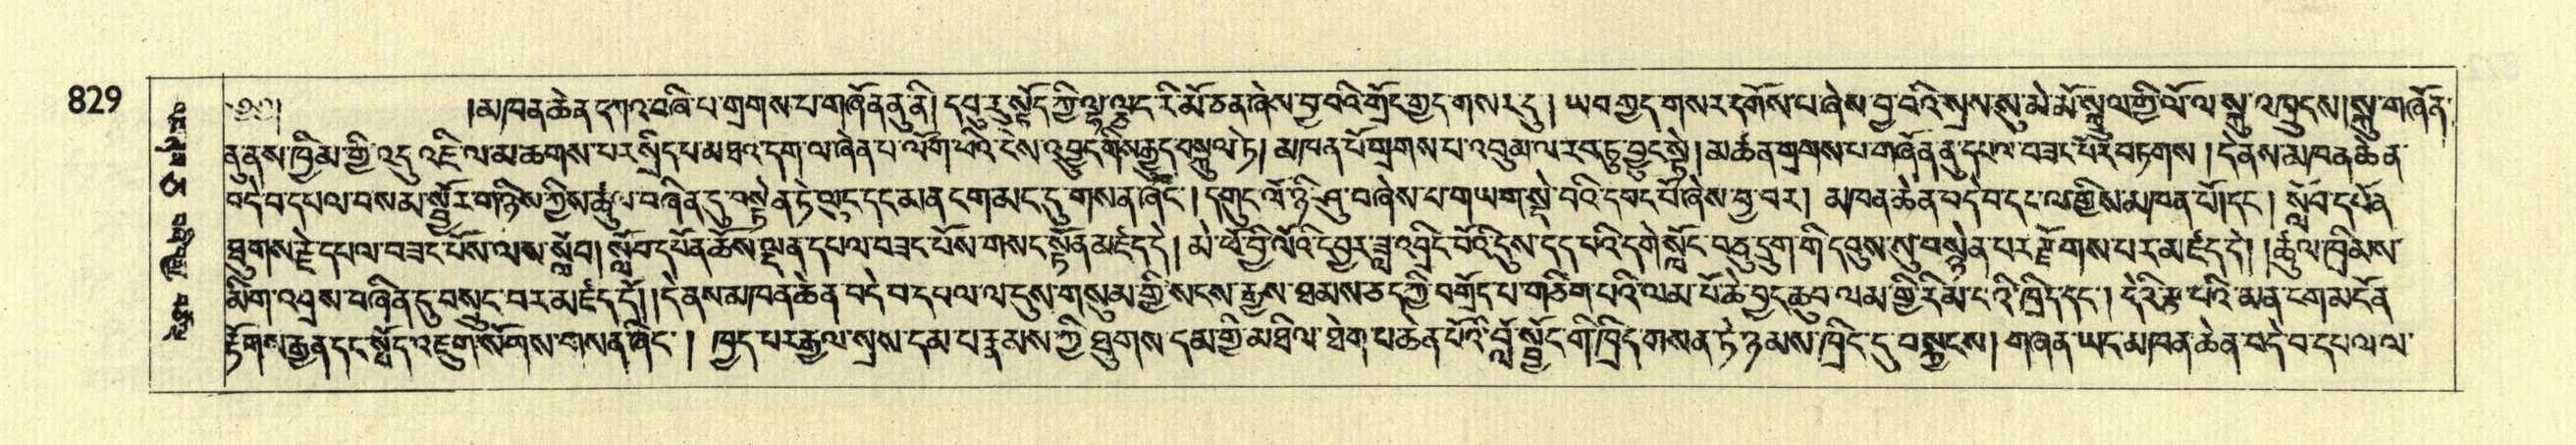༄༅། །མཁན་ཆེན་དཀའ་བཞི་པ་གྲགས་པ་གཞོན་ནུ་ནི། དབུ་རུ་སྟོད་ཀྱི་ལྷ་ལྕང་རི་མོ་ཅན་ཞེས་བྱ་བའི་གྲོང་གྱད་གསར་དུ། ཡབ་གྱད་གསར་དགོས་པ་ཞེས་བྱ་བའི་སྲས་སུ་མེ་མོ་སྐྲུལ་གྱི་ལོ་ལ་སྐུ་འཁྲུངས། སྐུ་གཞོན་
ནུ་ན་ས་ཁྱིམ་གྱི་འདུ་འཇི་ལ་མ་ཆགས་པར་སྲིད་པ་མཐའ་དག་ལ་ཞེན་པ་ལོག་པའི་ངེས་འབྱུང་གིས་རྒྱུད་བསྐུལ་ཏེ། མཁན་པོ་གྲགས་པ་འབུམ་ལ་རབ་ཏུ་བྱུང་སྟེ། མཚན་གྲགས་པ་གཞོན་ནུ་དཔལ་བཟང་པོར་བཏགས། དེ་ནས་མཁན་ཆེན་
བདེ་བ་དཔལ་བསམ་སྦྱོར་གཉིས་ཀྱིས་ཚུལ་བཞིན་དུ་བསྟེན་ཏེ་ལུང་དང་མན་ངག་མང་དུ་གསན་ཞིང་།དགུང་ལོ་ཉི་ཤུ་བཞེས་པ་གཡག་སྡེ་བའི་དབང་བོ་ཞེས་བྱ་བར། མཁན་ཆེན་བདེ་བ་དཔལ་གྱིས་མཁན་པོ། དང་། སློབ་དཔོན་
ཐུགས་རྗེ་དཔལ་བཟང་པོས་ལས་སློབ། སློབ་དཔོན་ཆོས་ལྡན་དཔལ་བཟང་པོས་གསང་སྟོན་མཛད་དེ། མེ་ཕོ་བྱི་ལོའི་དབྱར་ཟླ་འབྲིང་པོའི་དུས་དད་པའི་དགེ་སློང་བཅུ་དྲུག་གི་དབུས་སུ་བསྙེན་པར་རྫོགས་པར་མཛད་དེ། །ཚུལ་ཁྲིམས་
མིག་འབྲས་བཞིན་དུ་བསྲུང་བར་མཛད་དོ། །དེ་ནས་མཁན་ཆེན་བདེ་བ་དཔལ་ལ་དུས་གསུམ་གྱི་སངས་རྒྱས་ཐམས་ཅད་ཀྱི་བགྲོད་པ་གཅིག་པའི་ལམ་པོ་ཆེ་བྱང་ཆུབ་ལམ་གྱི་རིམ་པའི་ཁྲིད་དང་། དེའི་རྩ་པའི་མན་ངག་མངོན་
རྟོགས་རྒྱན་དང་སྤོད་འཇུག་སོགས་གསན་ཞིང་། ཁྱད་པར་རྒྱལ་སྲས་དམ་པ་རྣམས་ཀྱི་ཐུགས་དམ་གྱི་མཐིལ་ཐེག་པ་ཆེན་པོའི་བློ་སྦྱོང་གི་ཁྲིད་གསན་ཏེ་ཉམས་ཁྲིད་དུ་བསྐྱངས། གཞན་ཡང་མཁན་ཆེན་བདེ་བ་དཔལ་ལ་